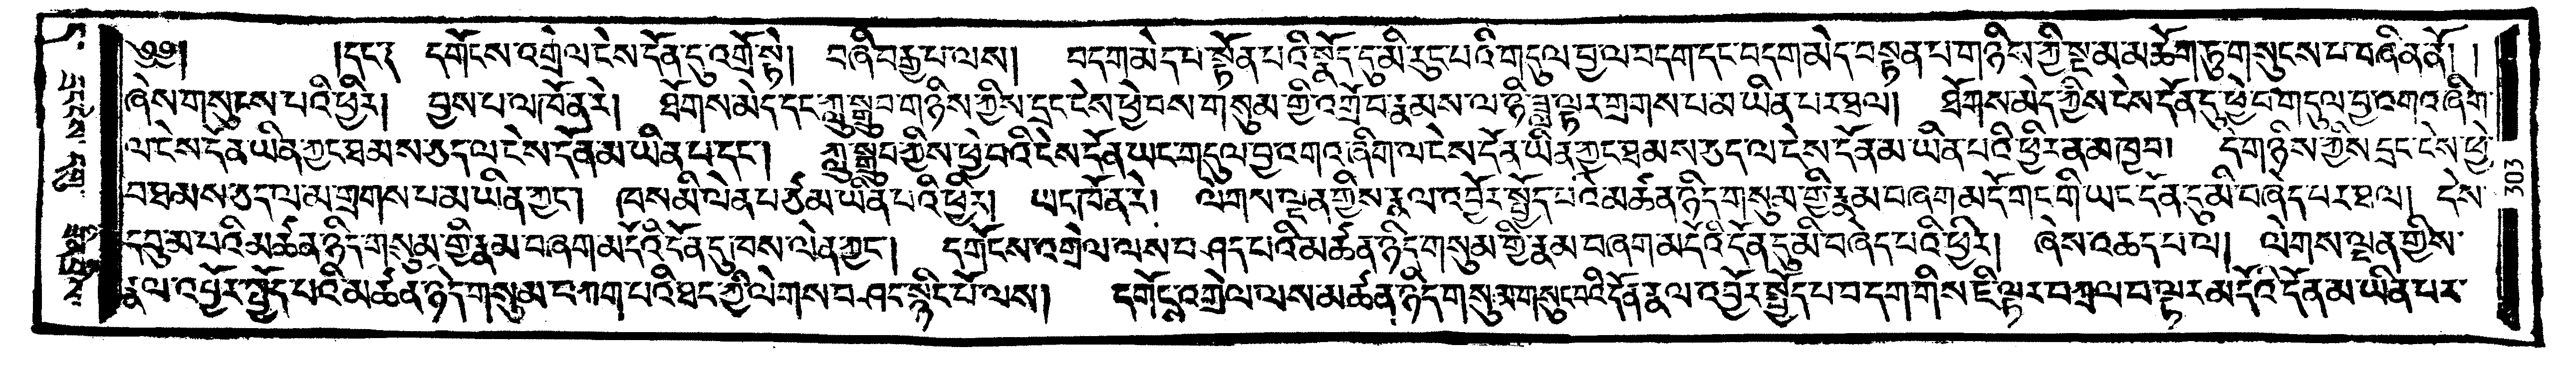༄༅། །དང༑ དགོངས་འགྲེལ་ངེས་དོན་དུ་འགྲོ་སྟེ། བཞི་བརྒྱ་པ་ལས། བདག་མེད་པ་སྟོན་པའི་སྣོད་དུ་མི་རུང་པའི་གདུལ་བྱ་ལ་བདག་དང་བདག་མེད་བསྟན་པ་གཉིས་ཀྱི་སྔ་མ་མཆོག་ཏུ་གསུངས་པ་བཞིན་ནོ། །
ཞེས་གསུངས་པའི་ཕྱིར། བྱས་པ་ལ་ཁོ་ན་རེ། ཐོགས་མེད་དང་ཀླུ་སྒྲུབ་གཉིས་ཀྱིས་དྲང་ངེས་ཕྱེ་བས་གསུམ་གྱི་འགྲོ་བ་རྣམས་ལ་ཉི་ཟླ་ལྟར་གྲགས་པ་མ་ཡིན་པར་ཐལ། ཐོགས་མེད་ཀྱིས་ངེས་དོན་དུ་ཕྱེ་བ་གདུལ་བྱ་འགའ་ཞིག་
ལ་ངེས་དོན་ཡིན་ཀྱང་ཐམས་ཅད་ལ་ངེས་དོན་མ་ཡིན་པ་དང་། ཀླུ་སྒྲུབ་ཀྱིས་ཕྱེ་བའི་ངེས་དོན་ཡང་གདུལ་བྱ་འགའ་ཞིག་ལ་ངེས་དོན་ཡིན་ཀྱང་ཐམས་ཅད་ལ་ངེས་དོན་མ་ཡིན་པའི་ཕྱིར་ན་མ་ཁྱབ། དེ་གཉིས་ཀྱིས་དྲང་ངེས་ཕྱེ་
བ་ཐམས་ཅད་ལ་མ་གྲགས་པ་མ་ཡིན་ཀྱང་། ཁས་མི་ལེན་པ་ཙམ་ཡིན་པའི་ཕྱིར། ཡང་ཁོ་ན་རེ། ལེགས་ལྡན་གྱིས་རྣལ་འབྱོར་སྤྱོད་པའི་མཚན་ཉིད་གསུམ་གྱི་རྣམ་བཞག་མདོ་གང་གི་ཡང་དོན་དུ་མི་བཞེད་པར་ཐལ། དེས་
དབུ་མ་པའི་མཚན་ཉིད་གསུམ་གྱི་རྣམ་བཞག་མདོའི་དོན་དུ་ཁས་ལེན་ཀྱང་། དགོངས་འགྲེལ་ལས་བཤད་པའི་མཚན་ཉིད་གསུམ་གྱི་རྣམ་བཞག་མདོའི་དོན་དུ་མི་བཞེད་པའི་ཕྱིར། ཞེས་འཆད་པ་ལ། ལེགས་ལྡན་གྱིས་
རྣལ་འབྱོར་སྤྱོད་པའི་མཚན་ཉིད་གསུམ་བཀག་པའི་ཐད་ཀྱི་ལེགས་བཤད་སྙིང་པོ་ལས། དགོངས་འགྲེལ་ལས་མཚན་ཉིད་གསུམ་གསུང་བའི་དོན་རྣལ་འབྱོར་སྤྱོད་པ་བདག་གིས་ཇི་ལྟར་བཀྲལ་བ་ལྟར་མདོའི་དོན་མ་ཡིན་པར་